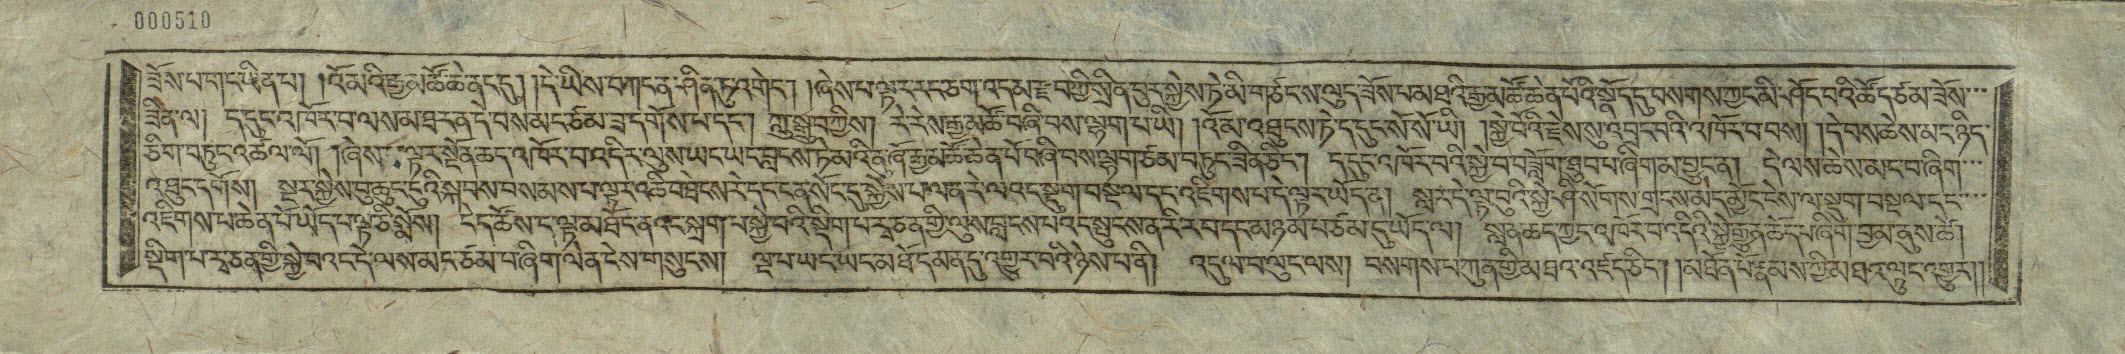ཟོས་པ་གང་ཡིན་པ། །འོ་མའི་རྒྱ་མཚོ་ཆེ་ནང་དུ། །དེ་ཡིས་བཀང་ན་ཤིན་ཏུ་འགེང་། །ཞེས་པ་ལྟར་རང་ཅག་འདམ་རྫབ་ཀྱི་སྲིན་བུར་སྐྱེས་ཏེ་མི་གཙང་ས་ལུད་ཟོས་པ་མཐའི་རྒྱ་མཚོ་ཆེན་པོའི་སྣོད་དུ་བསགས་ཀྱང་མི་ཤོང་བའི་ཚོད་ཙམ་ཟོས་
ཟིན་ལ། ད་དུང་འཁོར་བ་ལས་མ་ཐར་ན་དེ་བས་མང་ཙམ་ཟ་དགོས་པ་དང་། ཀླུ་སྒྲུབ་ཀྱིས། རེ་རེས་རྒྱ་མཚོ་བཞི་བས་ལྷག་པ་ཡི། །འོ་མ་འཐུངས་ཏེ་ད་དུང་སོ་སོ་ཡི། །སྐྱེ་བོའི་རྗེས་སུ་འབྲང་བའི་འཁོར་བ་བས། །དེ་བས་ཆེས་མང་ཉིད་
ཅིག་བཏུང་འཚལ་ལོ། །ཞེས་པ་ལྟར་སྔོན་ཆད་འཁོར་བ་འདིར་ལུས་ཡང་ཡང་བླངས་ཏེ་མའི་ནུ་ཞོ་རྒྱ་མཚོ་ཆེན་པོ་བཞི་བས་ལྷག་ཙམ་བཏུང་ཟིན་ཅིང་། ད་དུང་འཁོར་བའི་སྐྱེ་བ་བཟློག་ཐུབ་པ་ཞིག་མ་བྱུང་ན། དེ་ལས་ཆེས་མང་བ་ཞིག་
འཐུང་དགོས། སྔར་སྐྱེས་བུ་ཆུང་ངུའི་སྐབས་བསམས་པ་ལྟར་འཆི་བ་ཐེངས་རེ་དང་ངན་སོང་དུ་སྐྱེས་པ་ལན་རེ་ལའང་སྡུག་བསྔལ་དང་འཇིགས་པ་དེ་ལྟར་ཡོད་ན། སླར་དེ་ལྟ་བུའི་སྐྱེ་ཤི་སོགས་གྲངས་མེད་མྱོང་ངེས་ལ་སྡུག་བསྔལ་དང་
འཇིགས་པ་ཆེན་པོ་ཡོད་པ་ལྟ་ཅི་སྨོས། ངེད་ཚོས་ད་ལྟ་མཐོང་ནའང་སྐྲག་པ་སྐྱེ་བའི་སྡིག་པ་{རྭ}་ཅན་གྱི་ལུས་བླངས་པའང་སྤུངས་ན་རི་རབ་དང་མཉམ་པ་ཙམ་དུ་ཡོད་ལ། སླན་ཆད་ཀྱང་འཁོར་བ་འདིའི་སྐྱེ་རྒྱུན་ཆོད་པ་ཞིག་བྱ་མ་ནུས་ཚེ།
སྡིག་པ་{རྭ}་ཅན་གྱི་སྐྱེ་བའང་དེ་ལས་མང་ཙམ་པ་ཞིག་ལེན་ངེས་གསུངས། ལྔ་པ་ཡང་ཡང་མཐོ་དམན་དུ་འགྱུར་བའི་ཉེས་པ་ནི། འདུལ་བ་ལུང་ལས། བསགས་པ་ཀུན་གྱི་མཐའ་འཛད་ཅིང་། །མཐོན་པོ་རྣམས་ཀྱི་མཐའ་ལྟུང་འགྱུར། །